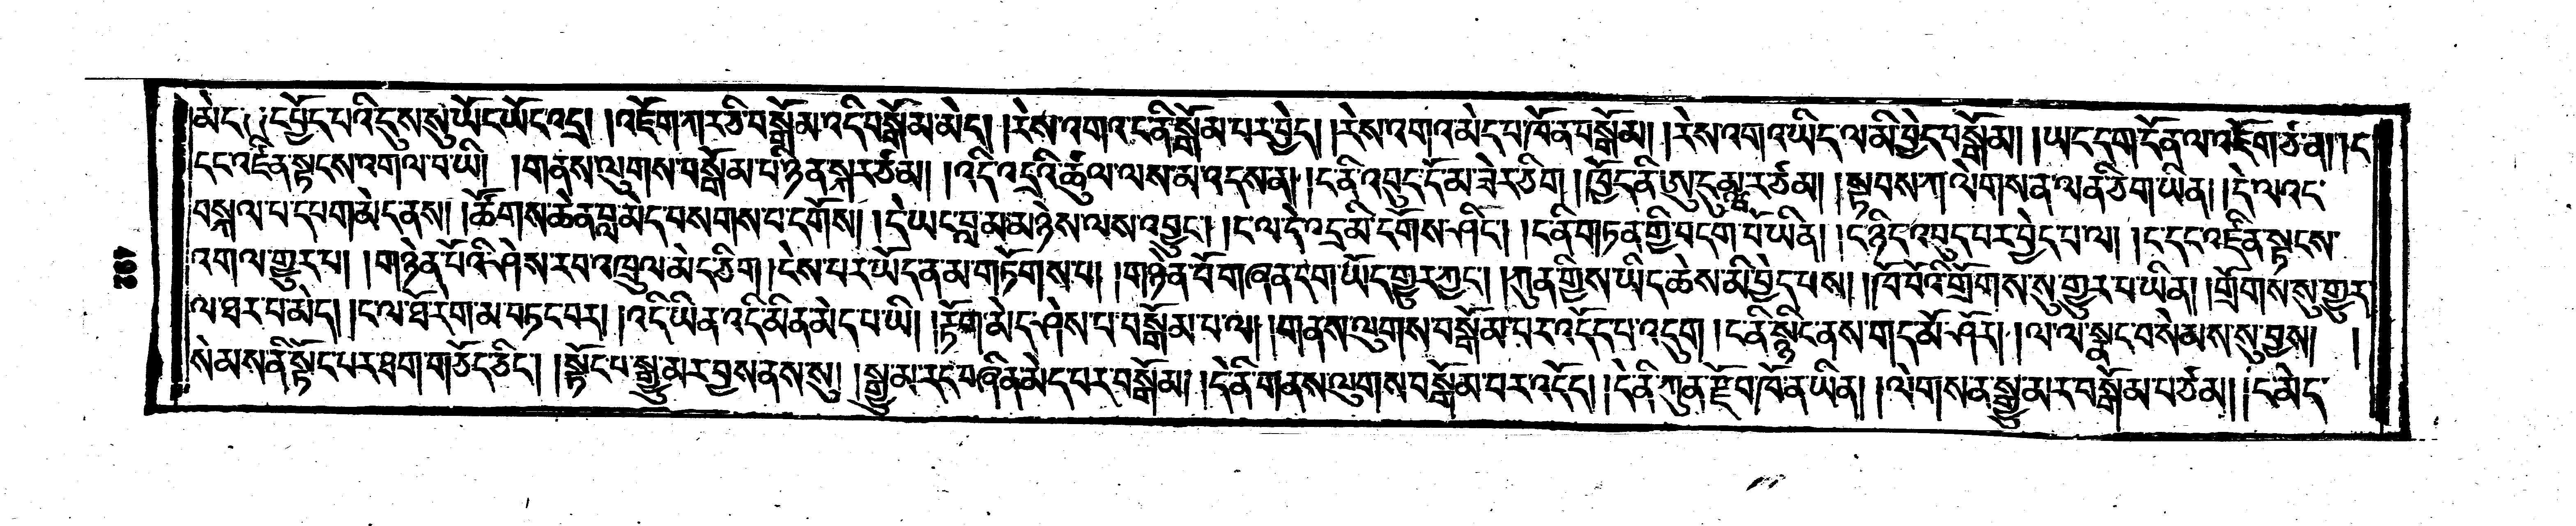མེད༑ ༑དཔྱོད་པའི་དུས་སུ་ཡོང་ཡོང་འདྲ། །འཇོག་ཀར་ཅི་བསྒོམ་འདི་བསྒོམ་མེད། །རེས་འགའ་ང་ནི་སྒོམ་པར་བྱེད། །རེས་འགའ་མེད་པ་ཁོ་ན་བསྒོམ། །རེས་འགའ་ཡིད་ལ་མི་བྱེད་བསྒོམ། །ཡང་དག་དོན་ལ་འཇོག་ཙ་ན། །ང་
དང་འཛིན་སྟངས་འགལ་བ་ཡི། །གནས་ལུགས་བསྒོམ་པ་ཉིན་སྐར་ཙམ། །འདི་འདྲའི་ཚུལ་ལས་མ་འདས་ན། །ང་ནི་འབུད་དོ་མ་ཟེར་ཅིག །ཁྱོད་ནི་ཨུ་དུམ་ཝ་ར་ཙམ། །སྟབས་ཀ་ལེགས་ན་ལན་ཅིག་ཡིན། །དེ་ལའང་
བསྐལ་པ་དཔག་མེད་ནས། །ཚོགས་ཆེན་བླ་མེད་བསགས་པ་དགོས། །དེ་ཡང་བླ་མ་མཉེས་ལས་འབྱུང་། །ང་ལ་དེ་འདྲ་མེ་དགོས་ཤིང་། །ང་ནི་གཏན་གྱི་བདག་པོ་ཡིན། །ང་ཉིད་འབུད་པར་བྱེད་པ་ལ། །ང་དང་འཛིན་སྟངས་
འགལ་གྱུར་པ། །གཉེན་པོའི་ཤེས་རབ་འཁྲུལ་མེད་ཅིག །ངེས་པར་ཡོད་ན་མ་གཏོགས་པ། །གཉེན་པོ་གཞན་དག་ཡོད་གྱུར་ཀྱང་། །ཀུན་གྱིས་ཡིད་ཆེས་མི་བྱེད་པས། །ཁོ་བོའོ་གྲོགས་སུ་གྱུར་པ་ཡིན། །གྲོགས་སུ་གྱུར་
ལ་ཐར་པ་མེད། །ང་ལ་ཐོ་རེག་མ་བཏང་བར། །འདི་ཡིན་འདི་མིན་མེད་པ་ཡི། །རྟོག་མེད་ཤེས་པ་བསྒོམ་པ་ལ། །གནས་ལུགས་བསྒོམ་པར་འདོད་པ་འདུག །ང་ནི་སྙིང་ནས་གད་མོ་ཤོར། །ལ་ལ་སྣང་བ་སེམས་སུ་བྱས། །
སེམས་ནི་སྟོང་པར་ཐག་གཅོད་ཅིང་། །སྟོང་པ་སྒྱུར་མར་བྱས་ནས་སུ། །སྒྱུ་མ་རང་བཞིན་མེད་པར་བསྒོམ། །དེ་ནི་གནས་ལུགས་བསྒོམ་པར་འདོད། །དེ་ནི་ཀུན་རྫོབ་ཁོ་ན་ཡིན། །ལེགས་ན་སྒྱུ་མར་བསྒོམ་པ་ཙམ། །ང་མེད་